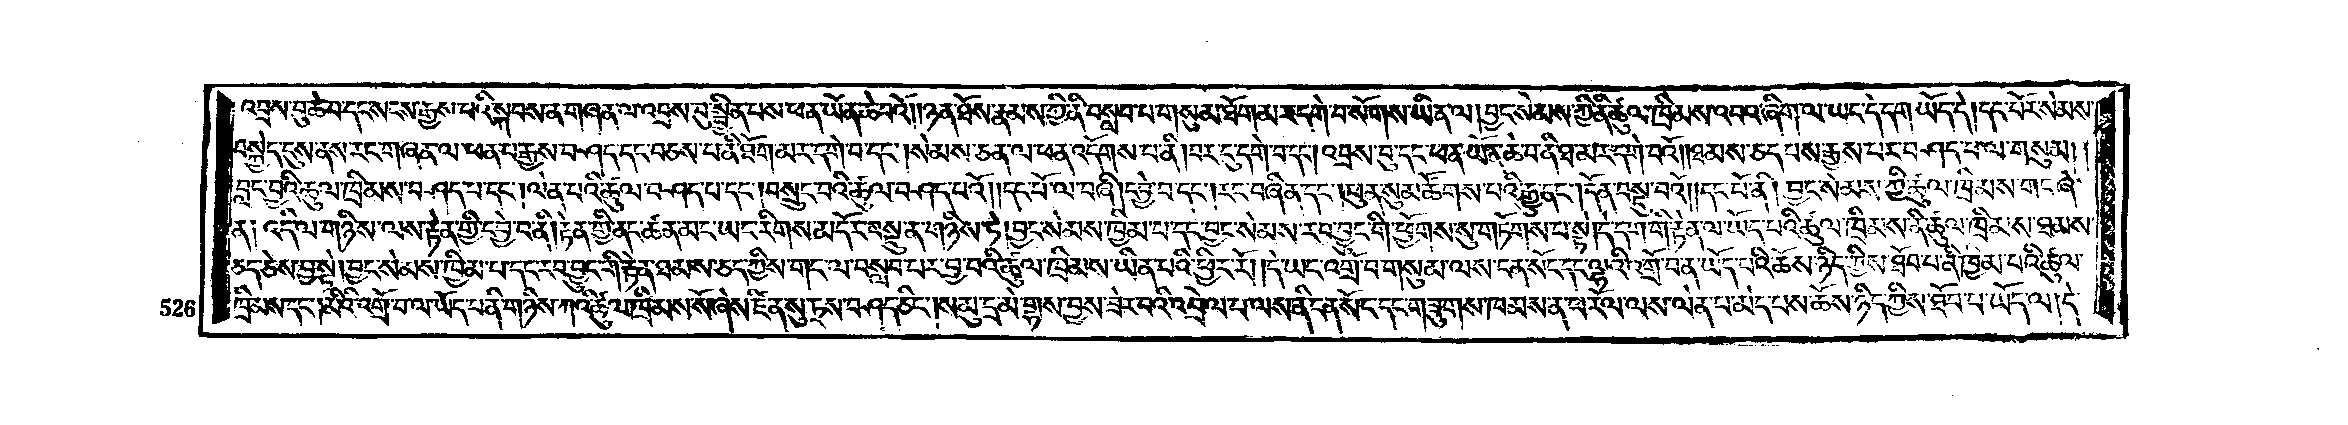འབྲས་བུ་ཆེ་བ་དང་སངས་རྒྱས་པའི་སྐབས་ན་གཞན་ལ་འབྲས་བུ་སྦྱིན་པས་ཕན་ཡོན་ཆེ་བའོ། །ཉན་ཐོས་རྣམས་ཀྱི་ནི་བསླབ་པ་གསུམ་ཐོག་མར་དགེ་བ་སོགས་ཡིན་ལ། བྱང་སེམས་ཀྱི་ནི་ཚུལ་ཁྲིམས་འབའ་ཞིག་ལ་ཡང་དེ་དག་ཡོད་དེ། དང་པོར་སེམས་
བསྐྱེད་དུས་ནས་རང་གཞན་ལ་ཕན་པ་རྒྱས་བཤད་དང་བཅས་པ་ནི་ཐོག་མར་དགེ་བ་དང་། སེམས་ཅན་ལ་ཕན་འདོགས་པ་ནི། བར་དུ་དགེ་བ་དང་། འབྲས་བུ་དང་ཕན་ཡོན་ཆེ་བ་ནི་ཐ་མར་དགེ་བའོ། །ཐམས་ཅད་པས་རྒྱས་པར་བཤད་པ་ལ་གསུམ། །
བླང་བྱའི་ཚུལ་ཁྲིམས་བཤད་པ་དང་། ལེན་པའི་ཚུལ་བཤད་པ་དང་། བསྲུང་བའི་ཚུལ་བཤད་པའོ། །དང་པོ་ལ་བཞི། དབྱེ་བ་དང་། རང་བཞིན་དང་། ཕུན་སུམ་ཚོགས་པའི་རྒྱུ་ནང་། དོན་བསྡུ་བའོ། །དང་པོ་ནི། བྱང་སེམས་ཀྱི་ཚུལ་ཁྲིམས་གང་ཞེ་
ན། འདི་ལ་གཉིས་ལས་རྟེན་གྱི་དབྱེ་བ་ནི། རྟེན་གྱི་ནང་ཚན་མང་ཡང་རིགས་མདོར་བསྡུ་ན་གཉིས་ཏེ། བྱང་སེམས་ཁྱིམ་པ་དང་བྱང་སེམས་རབ་བྱུང་གི་ཕྱོགས་སུ་གཏོགས་པ་སྟེ། དེ་དག་གི་རྟེན་ལ་ཡོད་པའི་ཚུལ་ཁྲིམས་ནི་ཚུལ་ཁྲིམས་ཐམས་
ཅད་ཅེས་བྱ་སྟེ། བྱང་སེམས་ཁྱིམ་པ་དང་རབ་བྱུང་གི་རྟེན་ཐམས་ཅད་ཀྱིས་གང་ལ་བསླབ་པར་བྱ་བའི་ཚུལ་ཁྲིམས་ཡིན་པའི་ཕྱིར་རོ། །དེ་ཡང་འགྲོ་བ་གསུམ་ལས་ངན་སོང་དང་ལྷའི་འགྲོ་བ་ན་ཡོད་པའི་ཆོས་ཉིད་ཀྱིས་ཐོབ་པ་ནི་ཁྱིམ་པའི་ཚུལ་
ཁྲིམས་དང་། མིའི་འགྲོ་བ་ལ་ཡོད་པ་ནི་གཉིས་ཀའི་ཚུལ་ཁྲིམས་སོ་ཞེས་ཛི་ན་སུ་ཏྲས་བཤད་ཅིང་། ས་མུ་དྲ་མེ་གྷས་བྱས་ཟེར་བའི་འབྲེལ་པ་ལས་ནི་ངན་སོང་དང་གཟུགས་ཁམས་ན་ཕ་རོལ་ལས་ལེན་པ་མེད་པས་ཆོས་ཉིད་ཀྱིས་ཐོབ་པ་ཡོད་ལ། དེ་